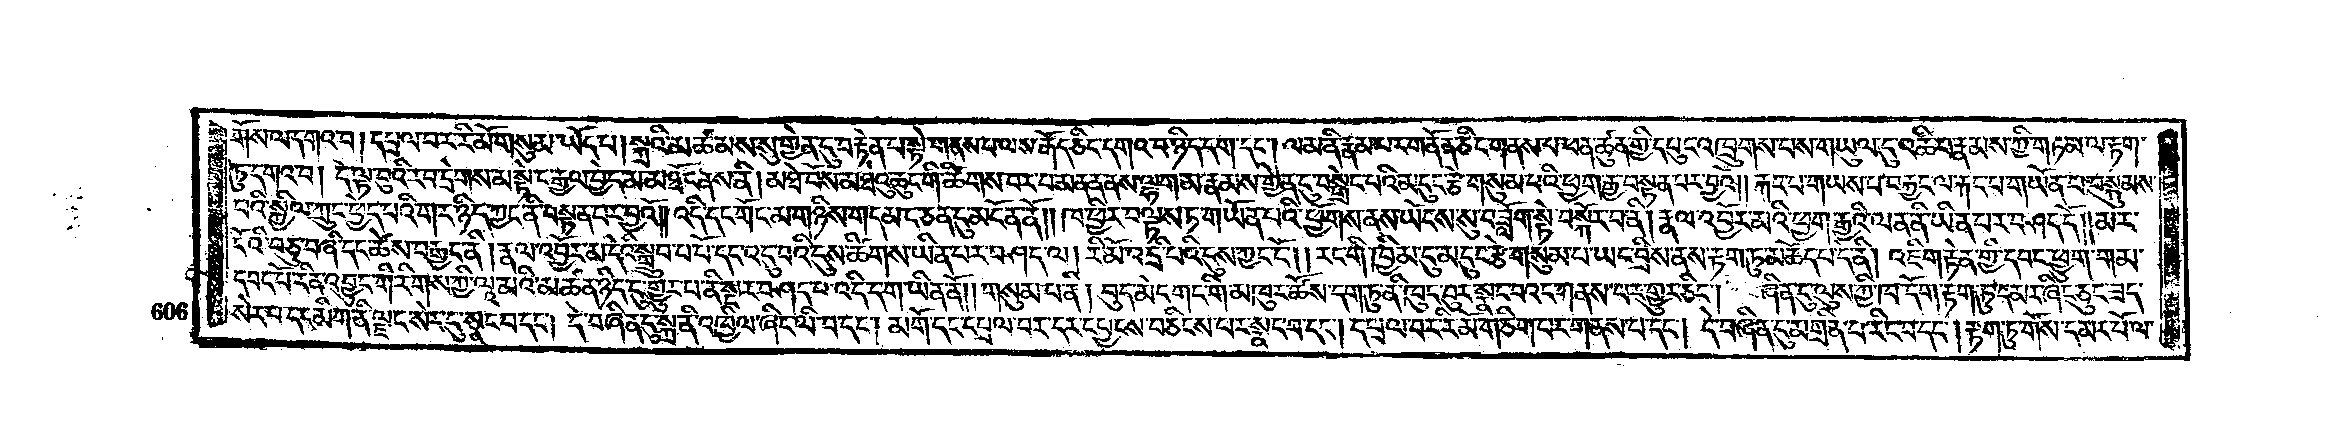གོས་ལ་དགའ་བ། དཔྲལ་བར་རི་མོ་གསུམ་ཡོད་པ། སྐྲའི་མཚམས་སུ་གྱེན་དུ་བརྟེན་པ་སྟེ་གནས་པ་ལས་རྒོད་ཅིང་དགའ་བ་ཉིད་དག་དང་། ལམ་ནི་རྣམ་པར་གནོན་ཅིང་གནས་པ་ཕན་ཚུན་གྱི་དཔུང་འཁྲུགས་པས་གཡུལ་དུ་འཆི་བ་རྣམས་ཀྱི་གཏམ་ལ་རྟག་
ཏུ་དགའ་བ། དེ་ལྟ་བུའི་རབ་དྲེགས་མ་སྟེ་ང་རྒྱལ་བྱེད་མ་མཐོང་ནས་ནི། མཐེ་བོས་མཐེའུ་ཆུང་གི་ཚིགས་བར་པ་མནན་ནས་ལྷག་མ་རྣམས་གྱེན་དུ་བསྒྲེང་པའི་མདུང་རྩེ་གསུམ་པའི་ཕྱག་རྒྱ་བསྟན་པར་བྱའོ། །རྐང་པ་གཡས་པ་བརྐྱང་ལ་རྐང་པ་གཡོན་པ་བསྐུམས་
པའི་སྐྱིལ་ཀྲུང་ཕྱེད་པའི་གར་ཉིད་ཀྱང་ནི་བསྟན་པར་བྱའོ། །འདི་དང་གོང་མ་གཉིས་གདམ་ང་ཅན་དུ་མངོན་ནོ། །ཁ་ཕྱིར་བལྟས་ཏ་གཡོན་པའི་ཕྱོགས་ནས་ཡོངས་སུ་བཟློག་སྟེ་བསྐོར་བ་ནི། རྣལ་འབྱོར་མའི་ཕྱག་རྒྱའི་ལན་ནི་ཡིན་པར་བཤད་དོ། །མར་
ངོའི་བཅུ་བཞི་དང་ཚེས་བརྒྱད་ནི། རྣལ་འབྱོར་མ་དེའི་སྒྲུབ་པ་པོ་དང་འདུ་བའི་དུས་ཚིགས་ཡིན་པར་བཤད་ལ། རི་མོ་འདྲི་པའི་དུས་ཀྱང་ངོ། །རང་གི་ཁྱིམ་དུ་མདུང་རྩེ་གསུམ་པ་ཡང་བྲིས་ནས་རྟག་ཏུ་མཆོད་པ་དེ་ནི། འཇིག་རྟེན་གྱི་དབང་ཕྱུག་གམ་
དབང་པོ་རིན་འབྱུང་གི་རིགས་ཀྱི་ལཱ་མའི་མཚན་ཉིད་དུ་གྱུར་པ་ནི་སྔར་བཤད་པ་འདི་དག་ཡིན་ནོ། །གསུམ་པ་ནི། བུད་མེད་གང་གི་མཁུར་ཚོས་དག་ཏུ་ནི་ཁུང་བུར་སྣང་བའང་གནས་པར་གྱུར་ཅིང་། དེ་བཞིན་དུ་ལུས་ཀྱི་ཁ་དོག་རྟག་ཏུ་དམར་ཞིང་ཅུང་ཟད་
སེར་བ་དང་མིག་ནི་ལྗང་སེར་དུ་སྣང་བ་དང་། དེ་བཞིན་དུ་སྐྲ་ནི་འཁྱིལ་ཞིང་ལི་བ་དང་། མགོ་དང་དཔྲལ་བར་དར་དཔྱངས་བཅིངས་པར་སྣང་བ་དང་། དཔྲལ་བར་རི་མོ་གཅིག་པར་གནས་པ་དང་། དེ་བཞིན་དུ་མགྲིན་པ་རིང་བ་དང་། རྟག་ཏུ་གོས་དམར་པོ་ལ་